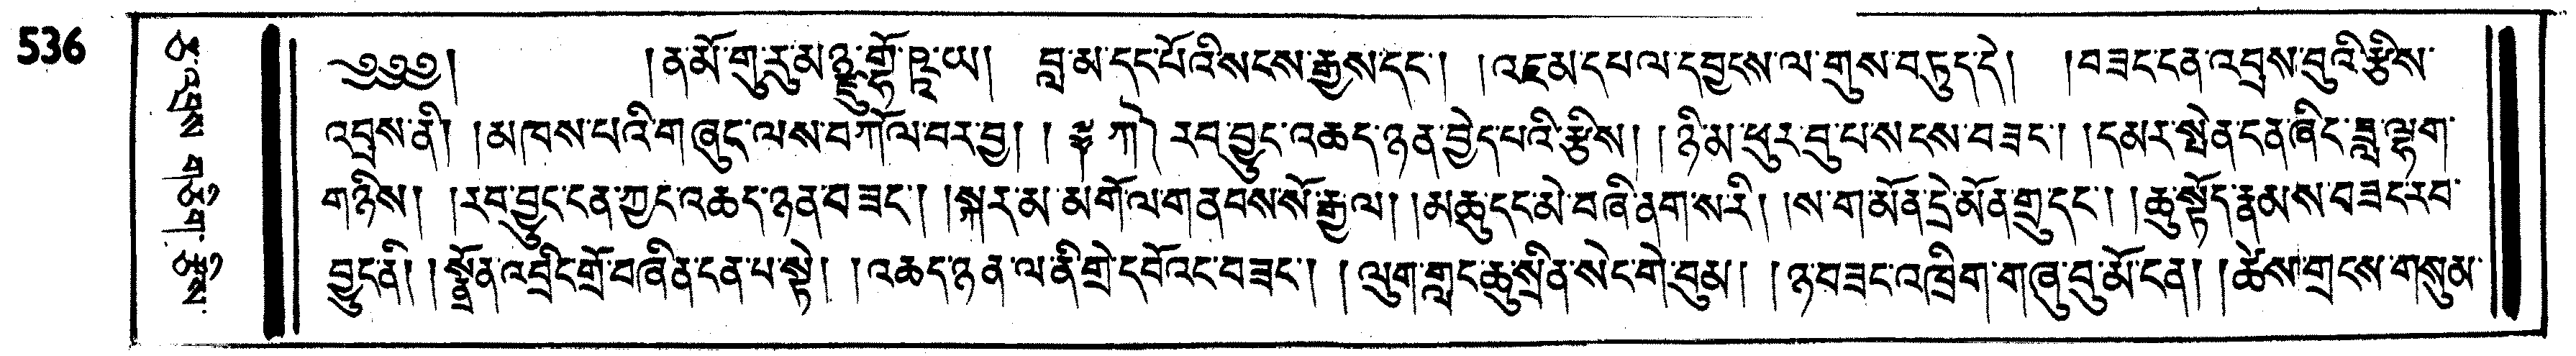༄༅༅། །ན་མོ་གུ་རུ་མཉྫུ་གྷོ་ཥཱ་ཡ། བླ་མ་དང་པོའི་སངས་རྒྱས་དང་། །འཇལ་དཔལ་དབྱངས་ལ་གུས་བཏུད་དེ། །བཟང་ངན་འབྲས་བུའི་རྩིས་
འབྲས་ནི། །མཁས་པའི་གཞུང་ལས་བཀོལ་བར་བྱ། ། འ་ཀ་རབ་བྱུང་འཆད་ཉན་བྱེད་པའི་རྩིས། །ཉི་མ་ཕུར་བུ་པ་སངས་བཟང་། །དམར་སྤེན་དན་ཞིང་ཟླ་ལྷག་
གཉིས། །རབ་བྱང་ངན་ཀྱང་འཆད་ཉན་བཟང་། །སྐར་མ་མགོ་ལ་གནབས་སོ་རྒྱལ། །མཆུ་དང་མེ་བཞི་ནག་ས་རི། །ས་ག་མོན་དྲེ་མོན་གྲུ་དང་། །ཆུ་སྟོད་རྣམས་བཟང་རབ་
བྱུང་ནི། །སྣྲོན་འབྲིང་གྲོ་བཞིན་ངན་པ་སྟེ། །འཆད་ཉན་ལ་གྲེ་དབོའང་བཟང་། །ལུག་གླང་ཆུ་སྲིན་སེང་གེ་བུམ། །ཉ་བཟང་འཁྲིག་གཞུ་བུ་མོ་ངན། །ཚེས་གྲངས་གསུམ་